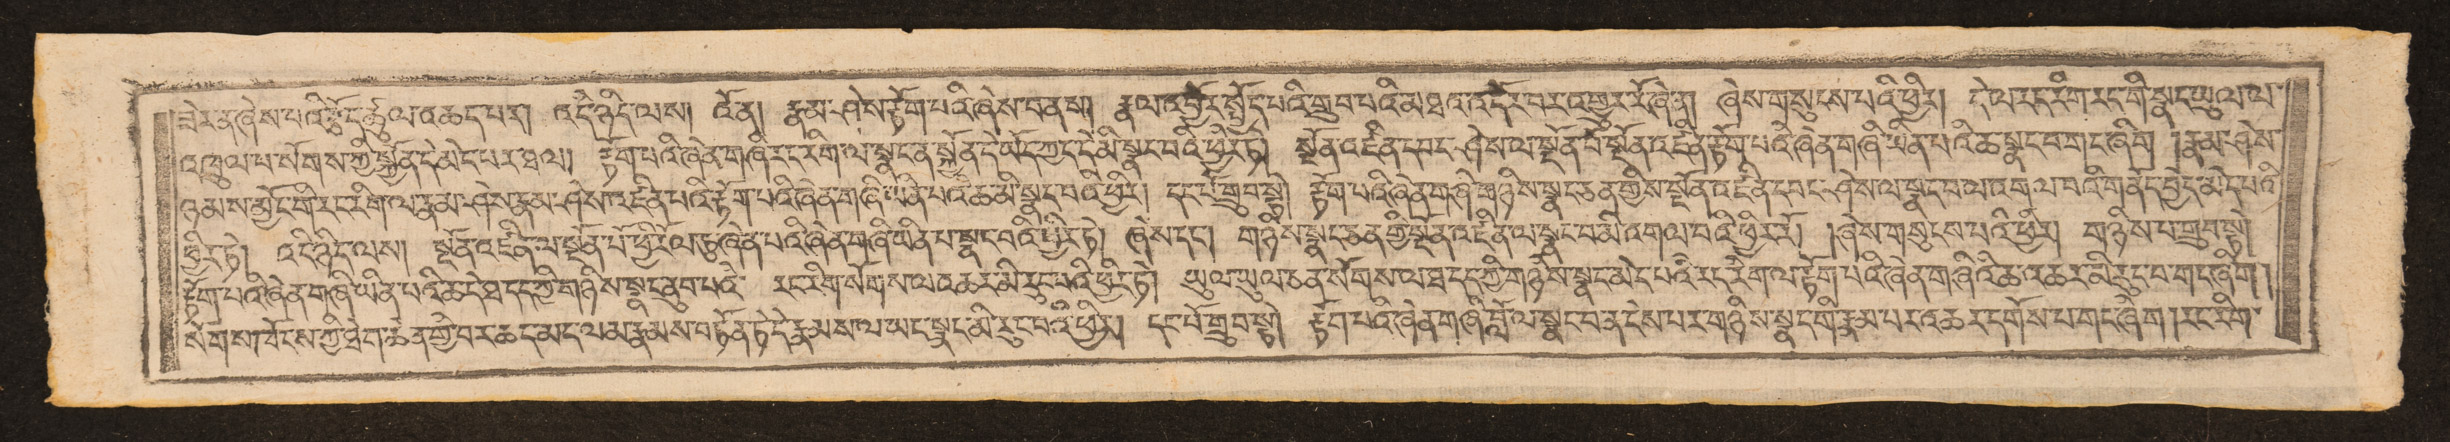ཟེར་ན་ཞེས་པའི་རྩོད་ཚུལ་འཆད་པར། འདི་ཉིད་ལས། འོ་ན། རྣམ་ཤེས་རྟོག་པའི་ཞེས་པ་ནས། རྣལ་འབྱོར་སྤྱོད་པའི་གྲུབ་པའི་མཐའ་འདོར་བར་འགྱུར་རོ་ཞེ་ན། ཞེས་གསུངས་པའི་ཕྱིར། དེ་ལ་རང་རིག་རང་གི་སྣང་ཡུལ་ལ་
འཁྲུལ་པ་སོགས་ཀྱི་སྐྱོན་དེ་མེད་པར་ཐལ། རྟོག་པའི་ཞེན་གཞི་རང་རིག་ལ་སྣང་ན་སྐྱོན་དེ་ཡོད་ཀྱང་དེ་མི་སྣང་བའི་ཕྱིར་ཏེ། སྔོན་འཛིན་དབང་ཤེས་ལ་སྔོན་པོ་སྔོན་འཛིན་རྟོག་པའི་ཞེན་གཞི་ཡིན་པའི་ཆ་སྣང་བ་གང་ཞིག །རྣམ་ཤེས་
ཉམས་མྱོང་གི་རང་རིག་ལ་རྣམ་ཤེས་རྣམ་ཤེས་འཛིན་པའི་རྟོག་པའི་ཞེན་གཞི་ཡིན་པའི་ཆ་མི་སྣང་བའི་ཕྱིར། དང་པོ་གྲུབ་སྟེ། རྟོག་པའི་ཞེན་གཞི་གཉིས་སྣང་ཅན་གྱིས་སྔོན་འཛིན་དབང་ཤེས་ལ་སྣང་བ་ལ་འགལ་བའི་གནོད་བྱེད་མེད་པའི་
ཕྱིར་ཏེ། འདི་ཉིད་ལས། སྔོན་འཛིན་ལ་སྔོན་པོ་ཕྱི་རོལ་ཏུ་ཞེན་པའི་ཞེན་གཞི་ཡིན་པ་སྣང་བའི་ཕྱིར་ཏེ། ཞེས་དང་། གཉིས་སྣང་ཅན་གྱི་སྔོན་འཛིན་ལ་སྣང་བ་མི་འགལ་བའི་ཕྱིར་རོ། །ཞེས་གསུངས་པའི་ཕྱིར། གཉིས་པ་གྲུབ་སྟེ།
རྟོག་པའི་ཞེན་གཞི་ཡིན་པའི་ཆ་དེ་ཐ་དད་ཀྱི་གཉིས་སྣང་ནུབ་པའི་རང་རིག་སོགས་ལ་འཆར་མི་རུང་པའི་ཕྱིར་ཏེ། ཡུལ་ཡུལ་ཅན་སོགས་ལ་ཐ་དད་ཀྱི་གཉིས་སྣང་མེད་པའི་རང་རེག་ལ་རྟོག་པའི་ཞེན་གཞིའི་ཆ་འཆར་མི་རུང་བ་གང་ཞིག །
སོགས་ཁོངས་ཀྱི་ཐེག་ཆེན་གྱི་བར་ཆད་མེད་ལམ་རྣམས་བཏོན་ཏེ་དེ་རྣམས་ལ་ཡང་སྣང་མི་རུང་བའི་ཕྱིར། དང་པོ་གྲུབ་སྟེ། རྟོག་པའི་ཞེན་གཞི་བློ་ལ་སྣང་བ་ན་ངེས་པར་གཉིས་སྣང་གི་རྣམ་པར་འཆར་དགོས་པ་གང་ཞིག །རང་རིག་